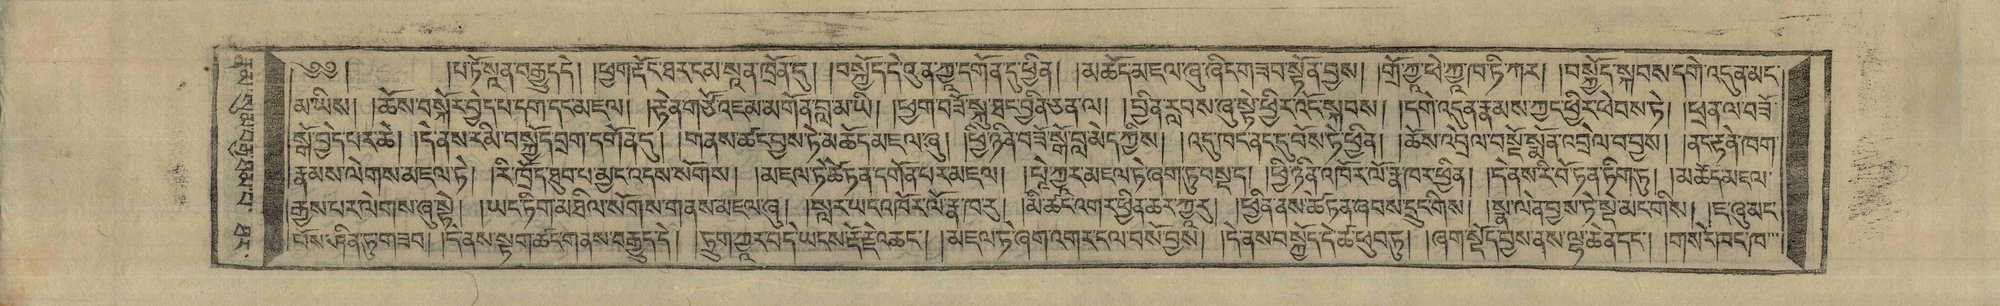༄༅། །པ་ཏོ་སཱན་བརྒྱུད་དེ། །ཕྱག་རྡོང་ཐར་ངམ་སཱན་ཁྲོན་དུ། །བསྐྱོད་དེ་འུན་ཀྱཱ་དགོན་དུ་ཕྱིན། །མཆོད་མཇལ་ཞུ་ཞིང་གཟབ་སྟོན་བྱས། །གྲོ་ཀྱཱ་ཕེ་ཀྱཱ་ཁ་ཏི་ཀར། །བསྐྱོད་སྐབས་དགེ་འདུན་མང་
མ་ཡིས། །ཆོས་བསྐོར་བྱེད་པ་དག་དང་མཇལ། །རྟེན་གཙོ་འཇམ་མགོན་བླ་མ་ཡི། །ཕྱག་བཟོ་སྐུ་ཐང་བྱིན་ཅན་ལ། །བྱིན་རླབས་ཞུ་སྟེ་ཕྱིར་འོང་སྐབས། །དགེ་འདུན་རྣམས་ཀྱང་ཕྱིར་ཕེབས་ཏེ། །ཕྲན་ལ་བཟོ་
སྒོ་བྱེད་པར་ཆེ། །དེ་ནས་རིམ་བསྐྱོད་བྲག་དགོན་དུ། །གནས་ཚང་བྱས་ཏེ་མཆོད་མཇལ་ཞུ། །ཕྱི་ཉིན་བཟོ་སྒོ་བླ་མེད་ཀྱིས། །འདུ་ཁང་ནང་དུ་པོས་ཏེ་ཕྱིན། །ཆོས་འབྲེལ་བསྔོ་སྨོན་འབྲེལ་བ་བྱས། །ནང་རྟེན་ཁག་
རྣམས་ལེགས་མཇལ་ཏེ། །རི་ཁྲོད་ཐུབ་པ་མྱང་འདས་སོགས། །མཇལ་ཏེ་ཚེ་ཏན་དགོན་པར་མཇལ། །པE་ཀྱཱར་མཇལ་ཏེ་ཞག་ཏུ་བསྡད། །ཕྱི་ཉིན་འཁོར་ལོ་རྣ་ཁར་ཕྱིན། །དེ་ནས་རི་བོ་ཏན་ཏིག་ཏུ། །མཆོད་མཇལ་
རྒྱས་པར་ལེགས་ཞུ་སྟེ། །ཡང་ཏིག་མཐིལ་སོགས་གནས་མཇལ་ཞུ། །སླར་ཡང་འཁོར་ལོ་རྣ་ཁ་རུ། །མི་ཚང་འགར་ཕྱིན་ཆར་ཀྱཱ་རུ། །ཕྱིན་ནས་ཚེ་ཏན་ཞབས་དྲུང་གིས། །སྣ་ལེན་བྱས་ཏེ་སྡེ་མང་གིས། །ཇ་ཞུ་མང་
པོས་ཤིན་ཏུ་གཟབ། །དེ་ནས་སྟག་ཚང་གནས་བརྒྱུད་དེ། །ཏྲུག་ཀྱཱར་བདེ་ཡངས་རྡོ་རྗེ་འཆང་། །མཇལ་ཏེ་ཞག་འགར་ངལ་བསོ་བྱས། །དེ་ནས་བསྐྱོད་དེ་ཚ་ཕུབ་ཏུ། །ཞག་སྡོད་བྱས་ནས་ལྷ་ཆེན་དང་། །གསེར་ཁང་ཁ་